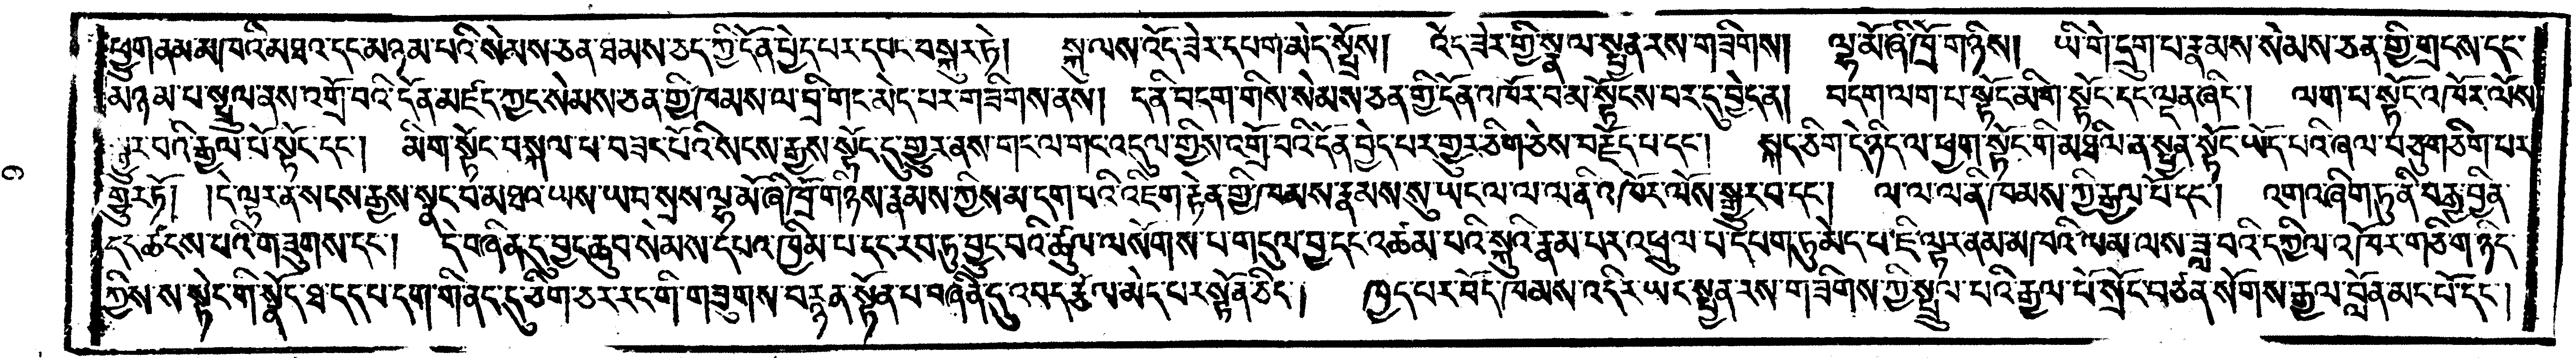ཕྱུག་ནམ་མཁའི་མཐའ་དང་མཉམ་པའི་སེམས་ཅན་ཐམས་ཅད་ཀྱི་དོན་བྱེད་པར་དབང་བསྐུར་ཏེ། སྐུ་ལས་འོད་ཟེར་དཔག་མེད་སྤྲོས། འོད་ཟེར་གྱི་སྣ་ལ་སྤྱན་རས་གཟིགས། ལྷ་མོ་ཞི་ཁྲོ་གཉིས། ཡི་གེ་དྲུག་པ་རྣམས་སེམས་ཅན་གྱི་གྲངས་དང་
མཉམ་པ་སྤྲུལ་ནས་འགྲོ་བའི་དོན་མཛད་ཀྱང་སེམས་ཅན་གྱི་ཁམས་ལ་བྲི་གང་མེད་པར་གཟིགས་ནས། ད་ནི་བདག་གིས་སེམས་ཅན་གྱི་དོན་འཁོར་བ་མ་སྟོངས་བར་དུ་བྱེད་ན། བདག་ལག་པ་སྟོང་མིག་སྟོང་དང་ལྡན་ཞིང་། ལག་པ་སྟོང་འཁོར་ལོས་
སྒྱུར་བའི་རྒྱལ་པོ་སྟོང་དང་། མིག་སྟོང་བསྐལ་པ་བཟང་པོའི་སངས་རྒྱས་སྟོང་དུ་གྱུར་ནས་གང་ལ་གང་འདུལ་གྱིས་འགྲོ་བའི་དོན་བྱེད་པར་གྱུར་ཅིག་ཅེས་བརྗོད་པ་དང་། སྐད་ཅིག་དེ་ཉིད་ལ་ཕྱག་སྟོང་གི་མཐིལ་ན་སྤྱན་སྟོང་ཡོད་པའི་ཞལ་བཅུ་གཅིག་པར་
གྱུར་ཏོ། །དེ་ལྟར་ན་སངས་རྒྱས་སྣང་བ་མཐའ་ཡས་ཡབ་སྲས་ལྷ་མོ་ཞི་ཁྲོ་གཉིས་རྣམས་ཀྱིས་མ་དག་པའི་འཇིག་རྟེན་གྱི་ཁམས་རྣམས་སུ་ཡང་ལ་ལ་ལ་ནི་འཁོར་ལོས་སྒྱུར་བ་དང་། ལ་ལ་ལ་ནི་ཁམས་ཀྱི་རྒྱལ་པོ་དང་། འགའ་ཞིག་ཏུ་ནི་བརྒྱ་བྱིན་
དང་ཚངས་པའི་གཟུགས་དང་། དེ་བཞིན་དུ་བྱང་ཆུབ་སེམས་དཔའ་ཁྱིམ་པ་དང་རབ་ཏུ་བྱུང་བའི་ཚུལ་ལ་སོགས་པ་གདུལ་བྱ་དང་འཚམ་པའི་སྐུའི་རྣམ་པར་འཕྲུལ་པ་དཔག་ཏུ་མེད་པ་ཇི་ལྟར་ནམ་མཁའི་ལམ་ལས་ཟླ་བའི་དཀྱིལ་འཁོར་གཅིག་ཉིད་
ཀྱིས་ས་སྟེང་གི་སྣོད་ཐ་དད་པ་དག་གི་ནང་དུ་ཅིག་ཅར་རང་གི་གཟུགས་བརྙན་སྟོན་པ་བཞིན་དུ་འབད་རྩོལ་མེད་པར་སྟོན་ཅིང་། ཁྱད་པར་བོད་ཁམས་འདིར་ཡང་སྤྱན་རས་གཟིགས་ཀྱི་སྤྲུལ་པའི་རྒྱལ་པོ་སྲོང་བཙན་སོགས་རྒྱལ་བློན་མང་པོ་དང་།